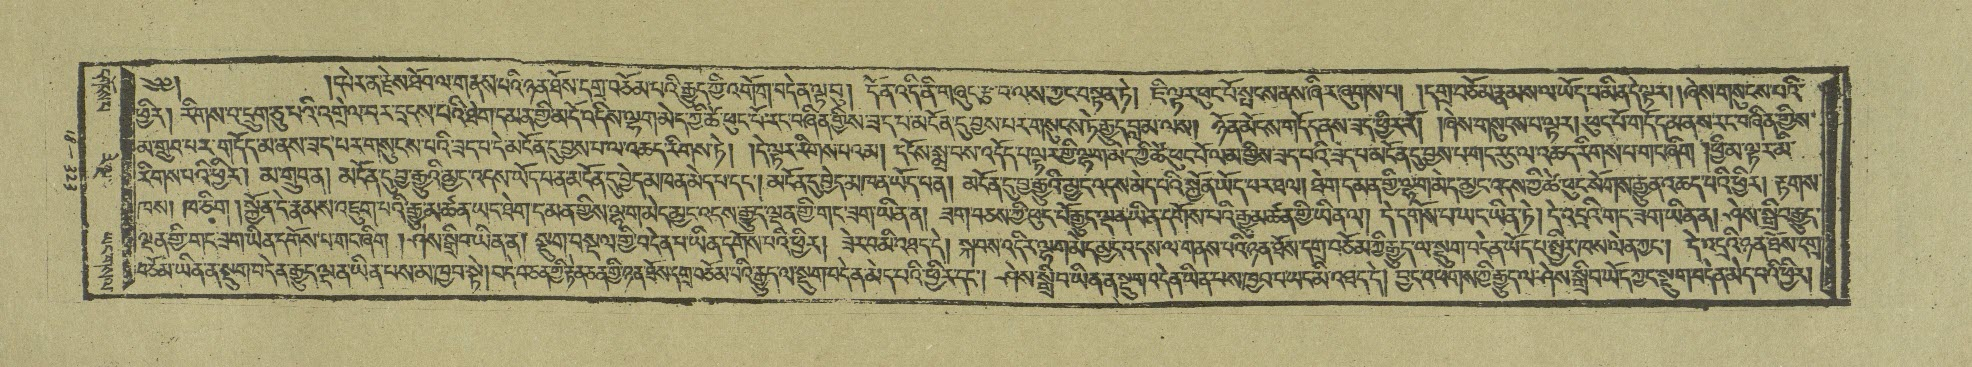༄༅། །དཔེར་ན་རྗེས་ཐོབ་ལ་གནས་པའི་ཉན་ཐོས་དགྲ་བཅོམ་པའི་རྒྱུད་ཀྱི་འགོག་བདེན་ལྟ་བུ། དོན་འདི་ནི་གཞུང་རྩ་བ་ལས་ཀྱང་བསྟན་ཏེ། ཇི་ལྟར་ཕུང་པོ་སྤངས་ནས་ཞིར་ཞུགས་པ། །དགྲ་བཅོམ་རྣམས་ལ་ཡོད་པ་མིན་དེ་ལྟར། །ཞེས་གསུངས་པའི་
ཕྱིར། རིགས་པ་དྲུག་ཅུ་པའི་འགྲེལ་བར་དྲངས་པའི་ཐེག་དམན་གྱི་མདོ་འདིས་ལྷག་མེད་ཀྱི་ཚེ་ཕུང་པོ་རང་བཞིན་གྱིས་ཟད་པ་མངོན་དུ་བྱས་པར་གསུངས་ཏེ་རྒྱུད་བླ་མ་ལས། ཉོན་མོངས་གདོད་ནས་ཟད་ཕྱིར་རོ། །ཞེས་གསུངས་པ་ལྟར། ཕུང་པོ་གདོད་མ་ནས་རང་བཞིན་གྱིས་
མ་གྲུབ་པར་གདོད་མ་ནས་ཟད་པར་གསུངས་པའི་ཟད་པ་དེ་མངོན་དུ་བྱས་པ་ལ་འཆད་རིགས་ཏེ། །དེ་ལྟར་རིགས་པའམ། དངོས་སྨྲ་བས་འདོད་པ་ལྟར་གྱི་ལྷག་མེད་ཀྱི་ཚེ་ཕུང་པོ་ལམ་གྱིས་ཟད་པའི་ཟད་པ་མངོན་དུ་བྱས་པ་གང་རུང་ལ་འཆད་རིགས་པ་གང་ཞིག །ཕྱི་མ་ལྟར་མི་
རིགས་པའི་ཕྱིར། མ་གྲུབ་ན། མངོན་དུ་བྱ་རྒྱུའི་མྱང་འདས་ཡོད་པ་ན་མངོན་དུ་བྱེད་མཁན་མེད་པ་དང་། མངོན་དུ་བྱེད་མཁན་ཡོད་པ་ན། མངོན་དུ་བྱ་རྒྱུའི་མྱང་འདས་མེད་པའི་སྐྱོན་ཡོད་པར་ཐལ། ཐེག་དམན་གྱི་ལྷག་མེད་མྱང་འདས་ཀྱི་ཚེ་ཕུང་སོགས་རྒྱུན་འཆད་པའི་ཕྱིར། རྟགས་
ཁས། ཁ་ཅིག །སྐྱོན་དེ་རྣམས་འཇུག་པའི་རྒྱུ་མཚན་ཡང་ཐེག་དམན་གྱིས་ལྷག་མེད་མྱང་འདས་རྒྱུད་ལྡན་གྱི་གང་ཟག་ཡིན་ན། ཟག་བཅས་ཀྱི་ཕུང་པོ་རྒྱུད་ལྡན་ཡིན་དགོས་པའི་རྒྱུ་མཚན་གྱི་ཡིན་ལ། དེ་དགོས་པ་ཡང་ཡིན་ཏེ། དེ་འདྲའི་གང་ཟག་ཡིན་ན། ཤེས་སྒྲིབ་རྒྱུད་
ལྡན་གྱི་གང་ཟག་ཡིན་དགོས་པ་གང་ཞིག །ཤེས་སྒྲིབ་ཡིན་ན། སྡུག་བསྔལ་གྱི་བདེན་པ་ཡིན་དགོས་པའི་ཕྱིར། ཟེར་བ་མི་འཐད་དེ། སྐབས་འདིར་ལྷག་མེད་མྱང་འདས་ལ་གནས་པའི་ཉན་ཐོས་དགྲ་བཅོམ་གྱི་རྒྱུད་ལ་སྡུག་བདེན་ཡོད་པ་སྤྱིར་ཁས་ལེན་ཀྱང་། དེས་འདྲའི་ཉན་ཐོས་དགྲ་
བཅོམ་ཡིན་ན་སྡུག་བདེན་རྒྱུད་ལྡན་ཡིན་པས་མ་ཁྱབ་སྟེ། བདེ་བ་ཅན་གྱི་རྟེན་ཅན་གྱི་ཉན་ཐོས་དགྲ་བཅོམ་པའི་རྒྱུད་ལ་སྡུག་བདེན་མེད་པའི་ཕྱིར་དང་། ཤེས་སྒྲིབ་ཡིན་ན་སྡུག་བདེན་ཡིན་པས་ཁྱབ་པ་ཡང་མི་འཐད་དེ། བྱང་འཕགས་ཀྱི་རྒྱུད་ལ་ཤེས་གྲིབ་ཡོད་ཀྱང་སྡུག་བདེན་མེད་པའི་ཕྱིར།